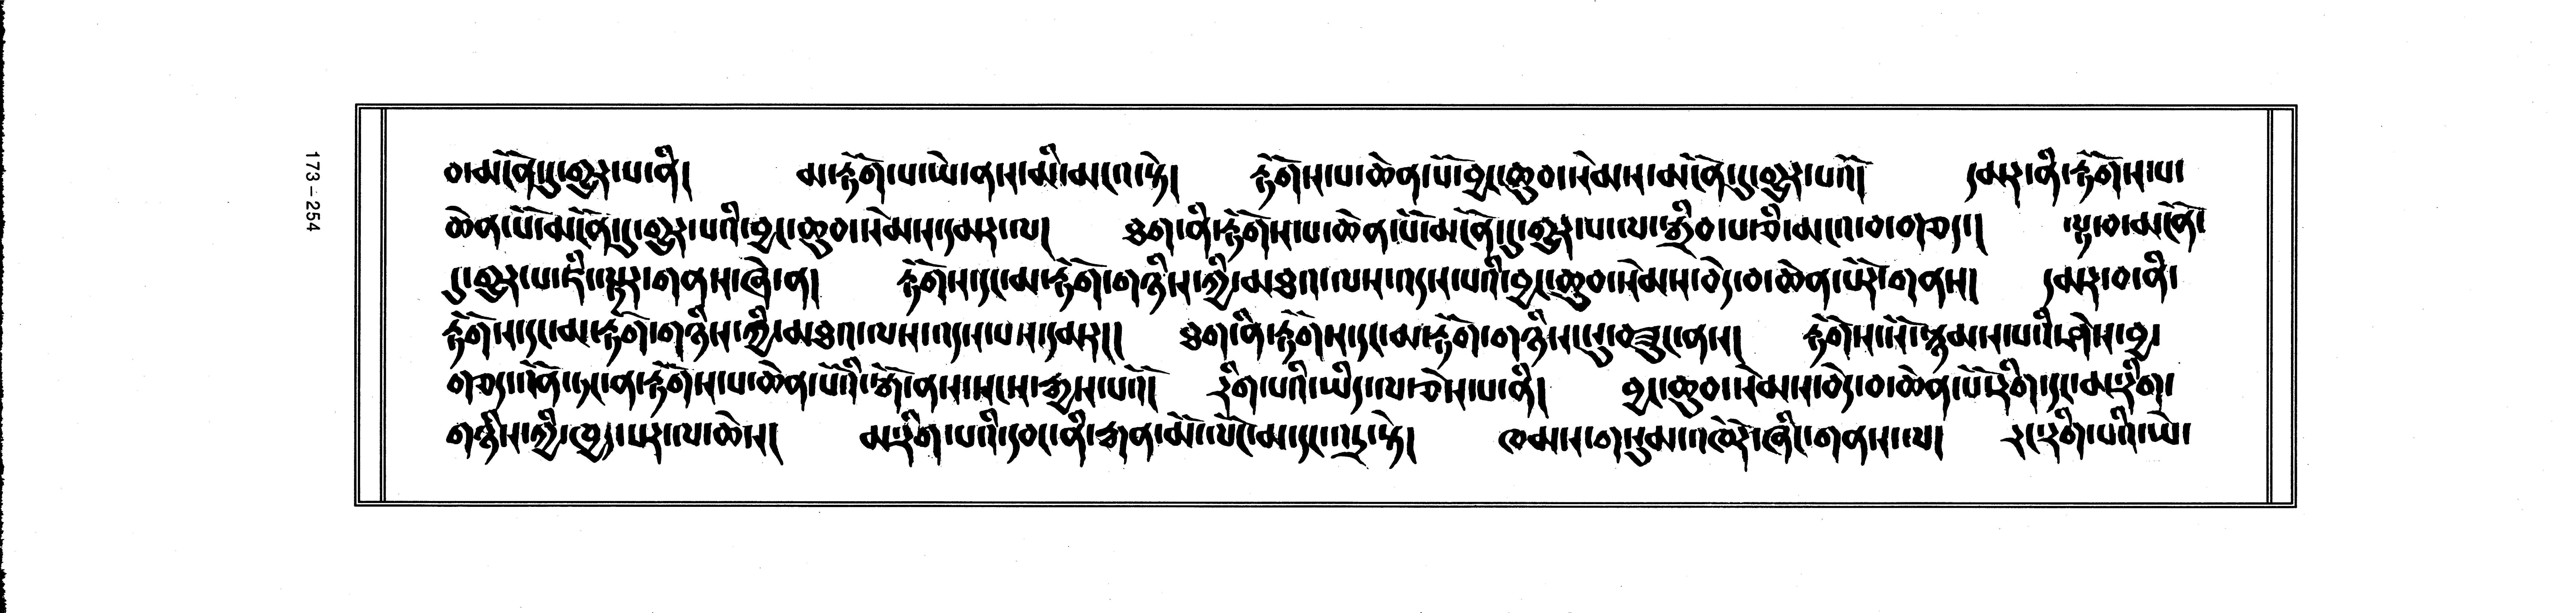བ་མངོན་དུ་གྱུར་པ་ནི། མ་རྟོགས་པ་ཡེ་ནས་མི་མངའ་སྟེ། རྟོགས་པ་ཆེན་པོ་བྱང་ཆུབ་སེམས་མངོན་དུ་གྱུར་པའོ། །དམར་ནི་རྟོགས་པ་
ཆེན་པོ་མངོན་དུ་གྱུར་པའི་བྱང་ཆུབ་སེམས་དམར་ལ། ཐག་ནི་རྟོགས་པ་ཆེན་པོ་མངོན་དུ་གྱུར་པ་ལ་སྒྲིབ་པ་ཅི་ལ་མངའ་བ་གཅད། ལྟ་བ་མངོན་
དུ་གྱུར་པ་ཅི་ལྟར་གནས་ཞེ་ན། རྟོགས་དང་མ་རྟོགས་གཉིས་ཀྱི་མཐའ་ལས་འདས་པའི་བྱང་ཆུབ་སེམས་བདེ་བ་ཆེན་པོར་གནས། དམར་བ་ནི་
རྟོགས་དང་མ་རྟོགས་གཉིས་ཀྱི་མཐའ་ལས་འདས་པས་དམར། ཐག་ནི་རྟོགས་དང་མ་རྟོགས་གཉིས་སུ་བཟུང་ནས། རྟོགས་སོ་སྙམ་པའི་ཤེས་བྱ་
གཅད་འོན་ཏང་ན་རྟོགས་པ་ཆེན་པོའི་སྒོ་ནས་སངས་རྒྱས་པའོ། །རིག་པའི་ཡིད་ལ་ཅེས་པ་ནི། བྱང་ཆུབ་སེམས་བདེ་བ་ཆེན་པོ་རིག་དང་མ་རིག་
གཉིས་ཀྱི་ཁྱད་པར་ལ་ཡིད་ཆེས། མ་རིག་པའི་དབང་ནི་རྒན་མོ་ལོང་མ་དང་འདྲ་སྟེ། ཁམས་གསུམ་འཁོར་ཞིང་གནས་ལ། རང་རིག་པའི་ཡེ་